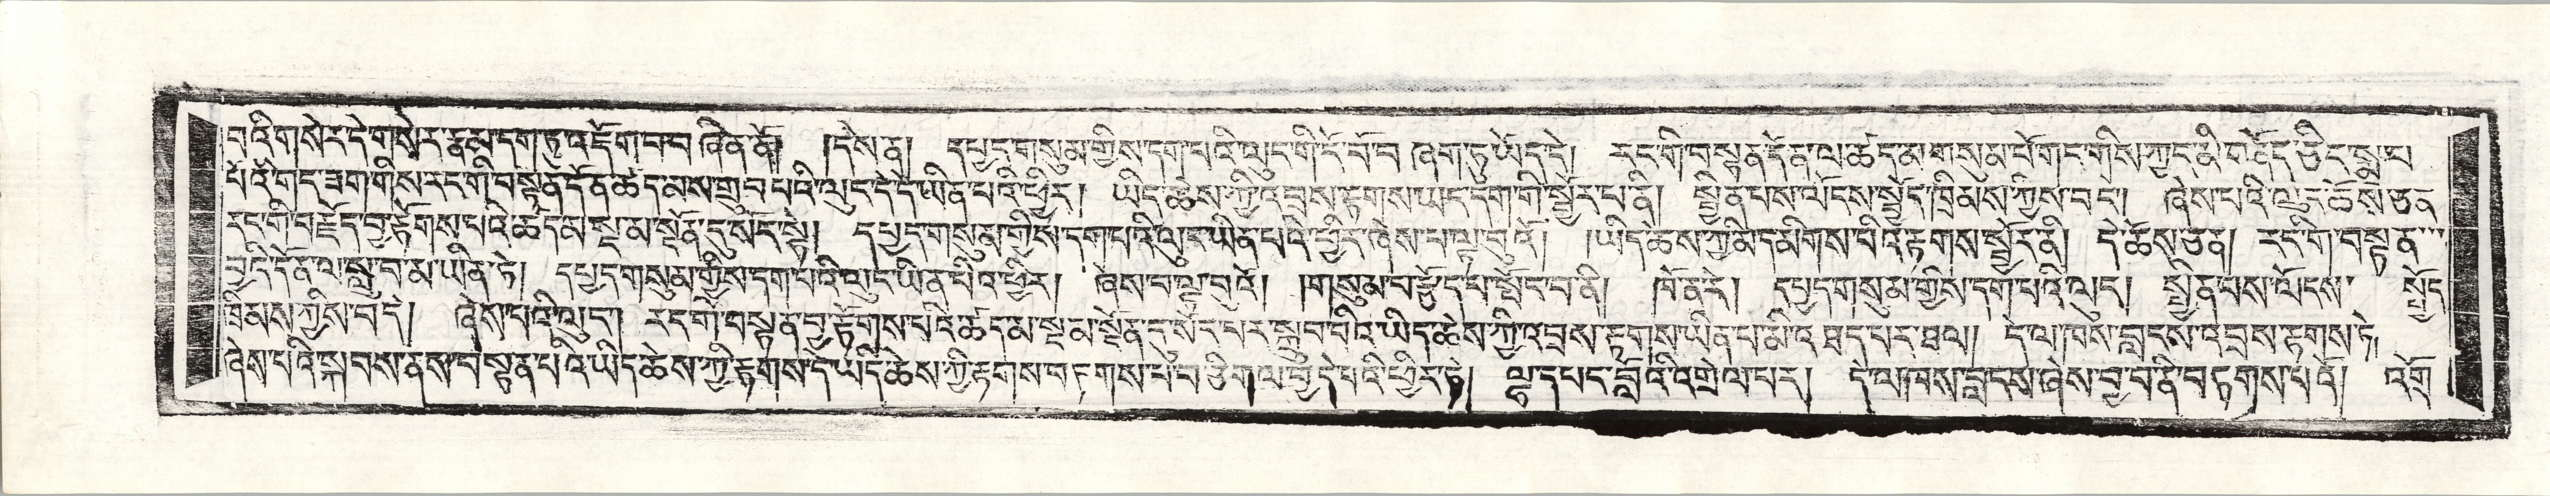བའི་གསེར་དེ་གསེར་རྣམ་དག་ཏུ་འཇོག་པ་བཞིན་ནོ། །དེས་ན། དཔྱད་གསུམ་གྱིས་དག་པའི་ལུང་གི་ངོ་བོ་བཞག་ཏུ་ཡོད་དེ། རང་གི་བསྟན་དོན་ལ་ཚད་མ་གསུམ་པོ་གང་གིས་ཀྱང་མི་གནོད་ཅིང་སྨྲ་བ་
བོའི་གང་ཟག་གིས་རང་གི་བསྟན་དོན་ཚད་མས་གྲུབ་པའི་ལུང་དེ་དེ་ཡིན་པའི་ཕྱིར། ཡིད་ཆེས་ཀྱི་འབྲས་རྟགས་ཡང་དག་གི་སྦྱོར་བ་ནི། སྦྱིན་པས་ལོངས་སྤྱོད་ཁྲིམས་ཀྱིས་བདེ། ཞེས་པའི་ལུང་ཆོས་ཅན་
རང་གི་བརྗོད་བྱ་རྟོགས་པའི་ཚད་མ་སྔ་མ་སྔོན་དུ་སོང་སྟེ། དཔྱད་གསུམ་གྱིས་དག་པའི་ལུང་ཡིན་པའི་ཕྱིར་ཞེས་པ་ལྟ་བུའོ། །ཡིད་ཆེས་ཀྱི་མ་དམིགས་པའི་རྟགས་སྦྱོར་ནི། དེ་ཆོས་ཅན། རང་གི་བསྟན་
བྱའི་དོན་ལ་སླུ་བ་མ་ཡིན་ཏེ། དཔྱད་གསུམ་གྱིས་དག་པའི་ལུང་ཡིན་པའི་ཕྱིར། ཞེས་པ་ལྟ་བུའོ། །གསུམ་པ་རྩོད་པ་སྤོང་བ་ནི། ཁོ་ན་རེ། དཔྱད་གསུམ་གྱིས་དག་པའི་ལུང་། སྦྱིན་པས་ལོངས་སྤྱོད་
ཁྲིམས་ཀྱིས་བདེ། ཞེས་པའི་ལུང་། རང་གི་བསྟན་བྱ་རྟོགས་པའི་ཚད་མ་སྔ་མ་སྔོན་དུ་སོང་བར་སྒྲུབ་པའི་ཡིད་ཆེས་ཀྱི་འབྲས་རྟགས་ཡིན་པ་མི་འཐད་པར་ཐལ། དེ་ལ་ཁས་བླངས་འབྲས་རྟགས་ཏེ།
ཞེས་པའི་སྐབས་ནས་བསྟན་པའི་ཡིད་ཆེས་ཀྱི་རྟགས་དེ་ཡིད་ཆེས་ཀྱི་རྟགས་བཏགས་པ་བ་ཞིག་ལ་བྱེད་པའི་ཕྱིར་ཏེ། ལྷ་དབང་བློའི་འགྲེལ་པར། དེ་ལ་ཁས་བླངས་ཞེས་བྱ་བ་ནི་བཏགས་པའོ། འགྲོ་